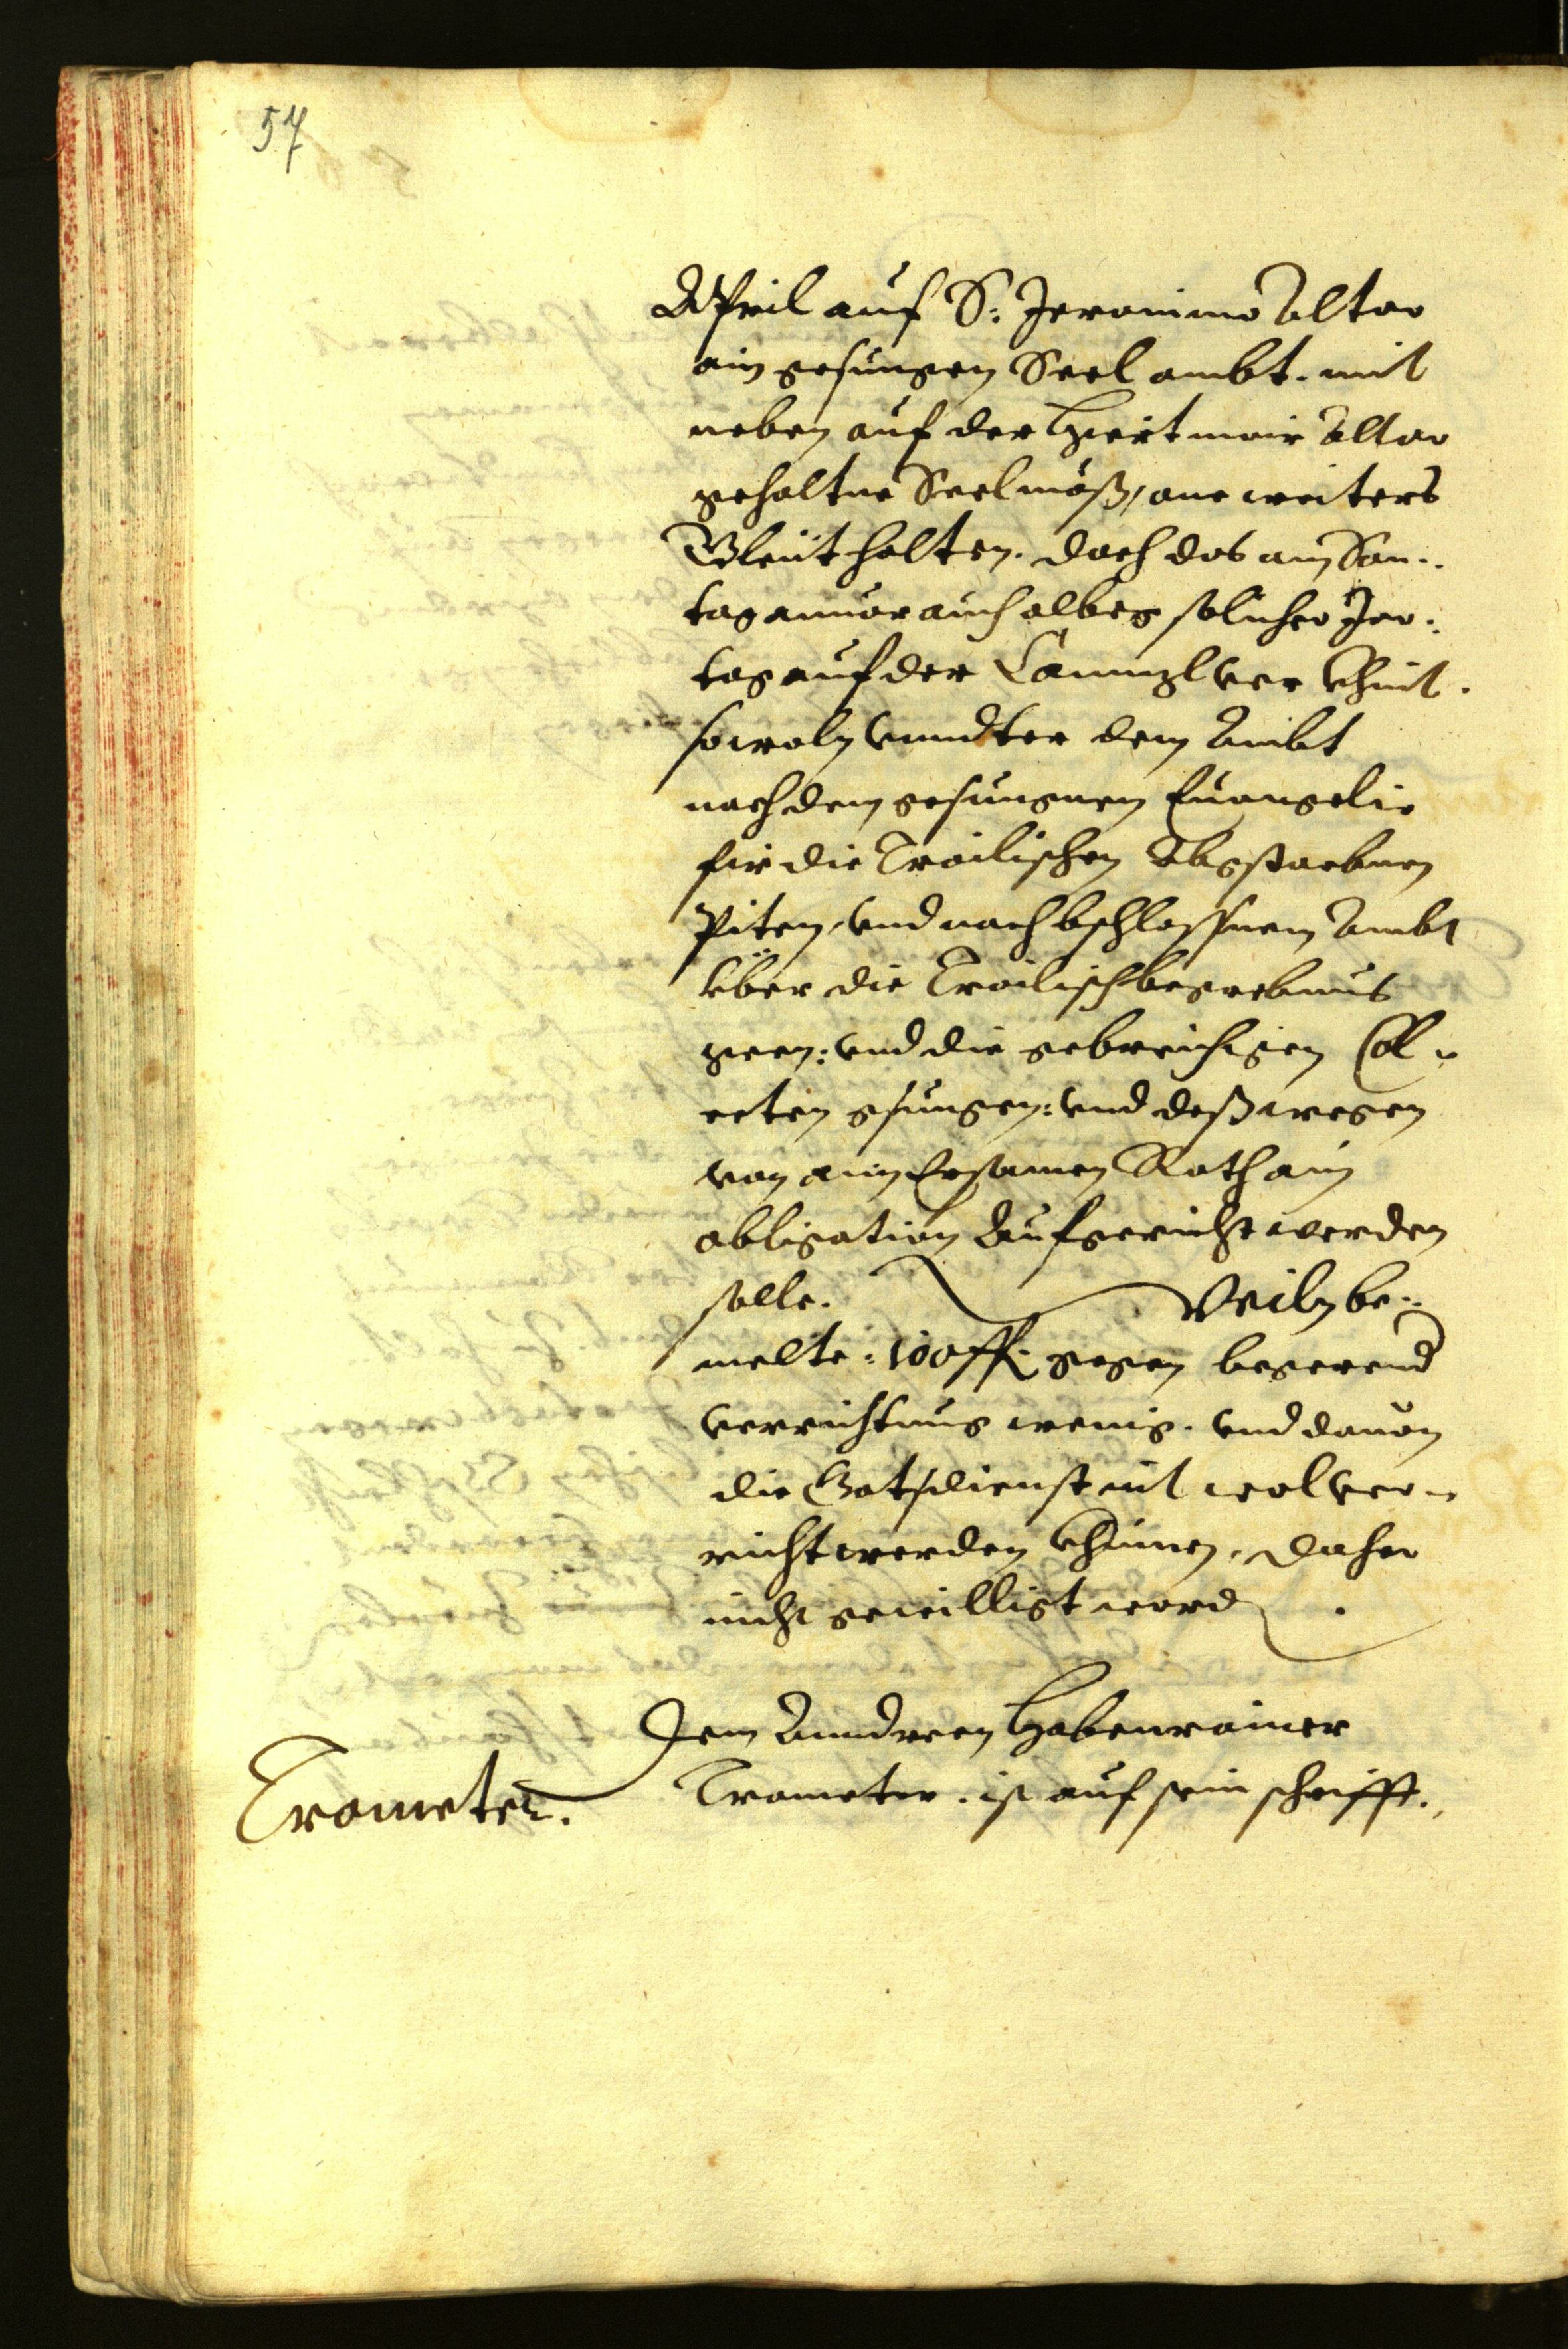57
April aūf S: Jeronimo Altar
ain gesūngen Seel ambt. mit
neben aūf der Hiertmair Altar
gehaltne Seelmōß, one weiters
Gleüt halten. doch das am Son¬
tag anūor aūch albeg solicher Jar¬
tag aūf der Cannzl ver khūt.
so woln vndter dem Ambt
nach dem gesūngnen Evangelie
fir die Troilischen Abgstorbnen
Piten, vnd nach beschlossnem Ambt
v̈ber die Troilisch begrebūng
geen: vnd die gebreichigen Col¬
ecten gsūngen: vnd deßwegen
von aim Ersamen Rath ain
obligation Aūfgericht werden
solle. Weiln be¬
melte: 100 fl. gegen begerend
verrichtūng wenig. vnd davōn
die Gotsdienst nit wol ver¬
richt werden khūnen. daher
nicht gewilligt word.
Dem Anndreen Habenrainer
Trameter. ist aūf sein schrifft¬
Trameter.